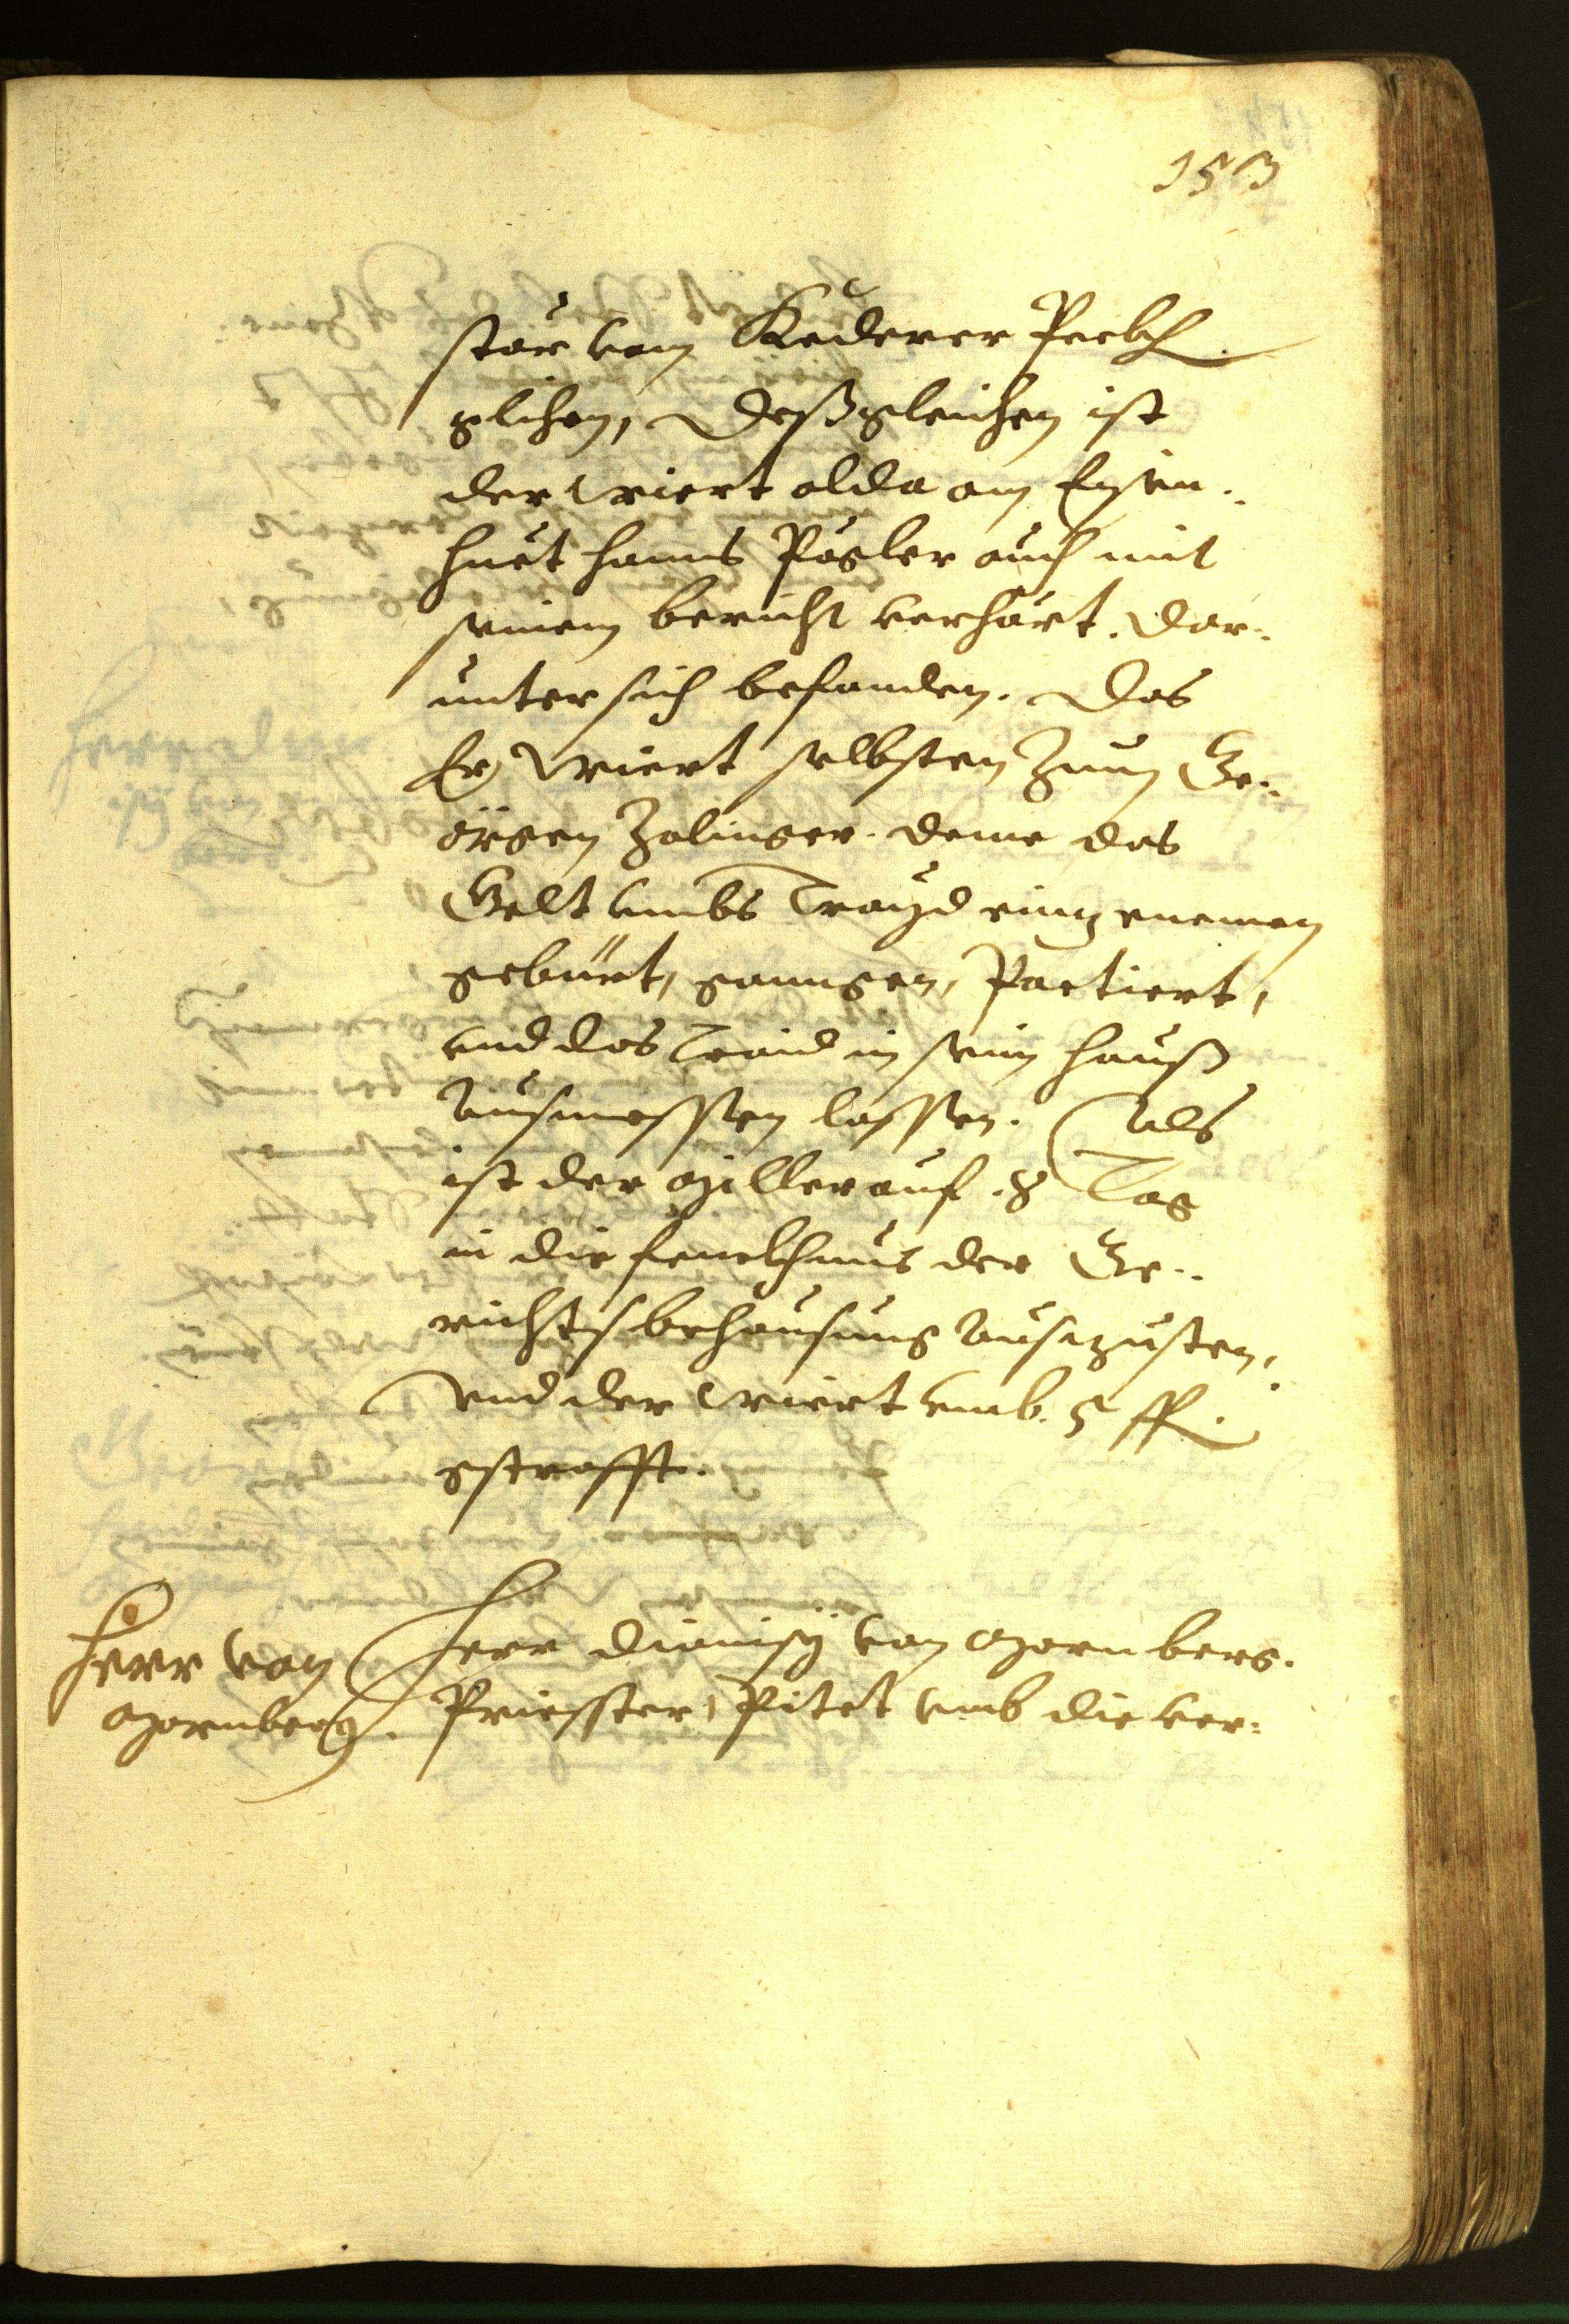153
stār vom Kederer Peckh
glihen, deßgleichen ist
der wiert alda am Eisen¬
hūet hanns Pōgler aūch mit
seinem bericht verhōrt. dar¬
ūnter sich befanden. das
Er wiert selbsten Zūm Ge¬
örgen Zalinger. deme das
Gelt vmbs Traȳd einzenemen
gebürt, ganngen, Pactiert,
vnd das Traid in sein Haūß
Aūsmessen lassen. Als
ist der Miller aūf .8 Tag
in die fenckhnūs der Ge¬
richtsbehaūsūng Aūszūsten,
vnd der wiert vmb 5 ff.
gstrafft.
Herr Dionisÿ von Mornberg.
Priesster, Pitet vmb die ver¬
Herr von
Mornberg.